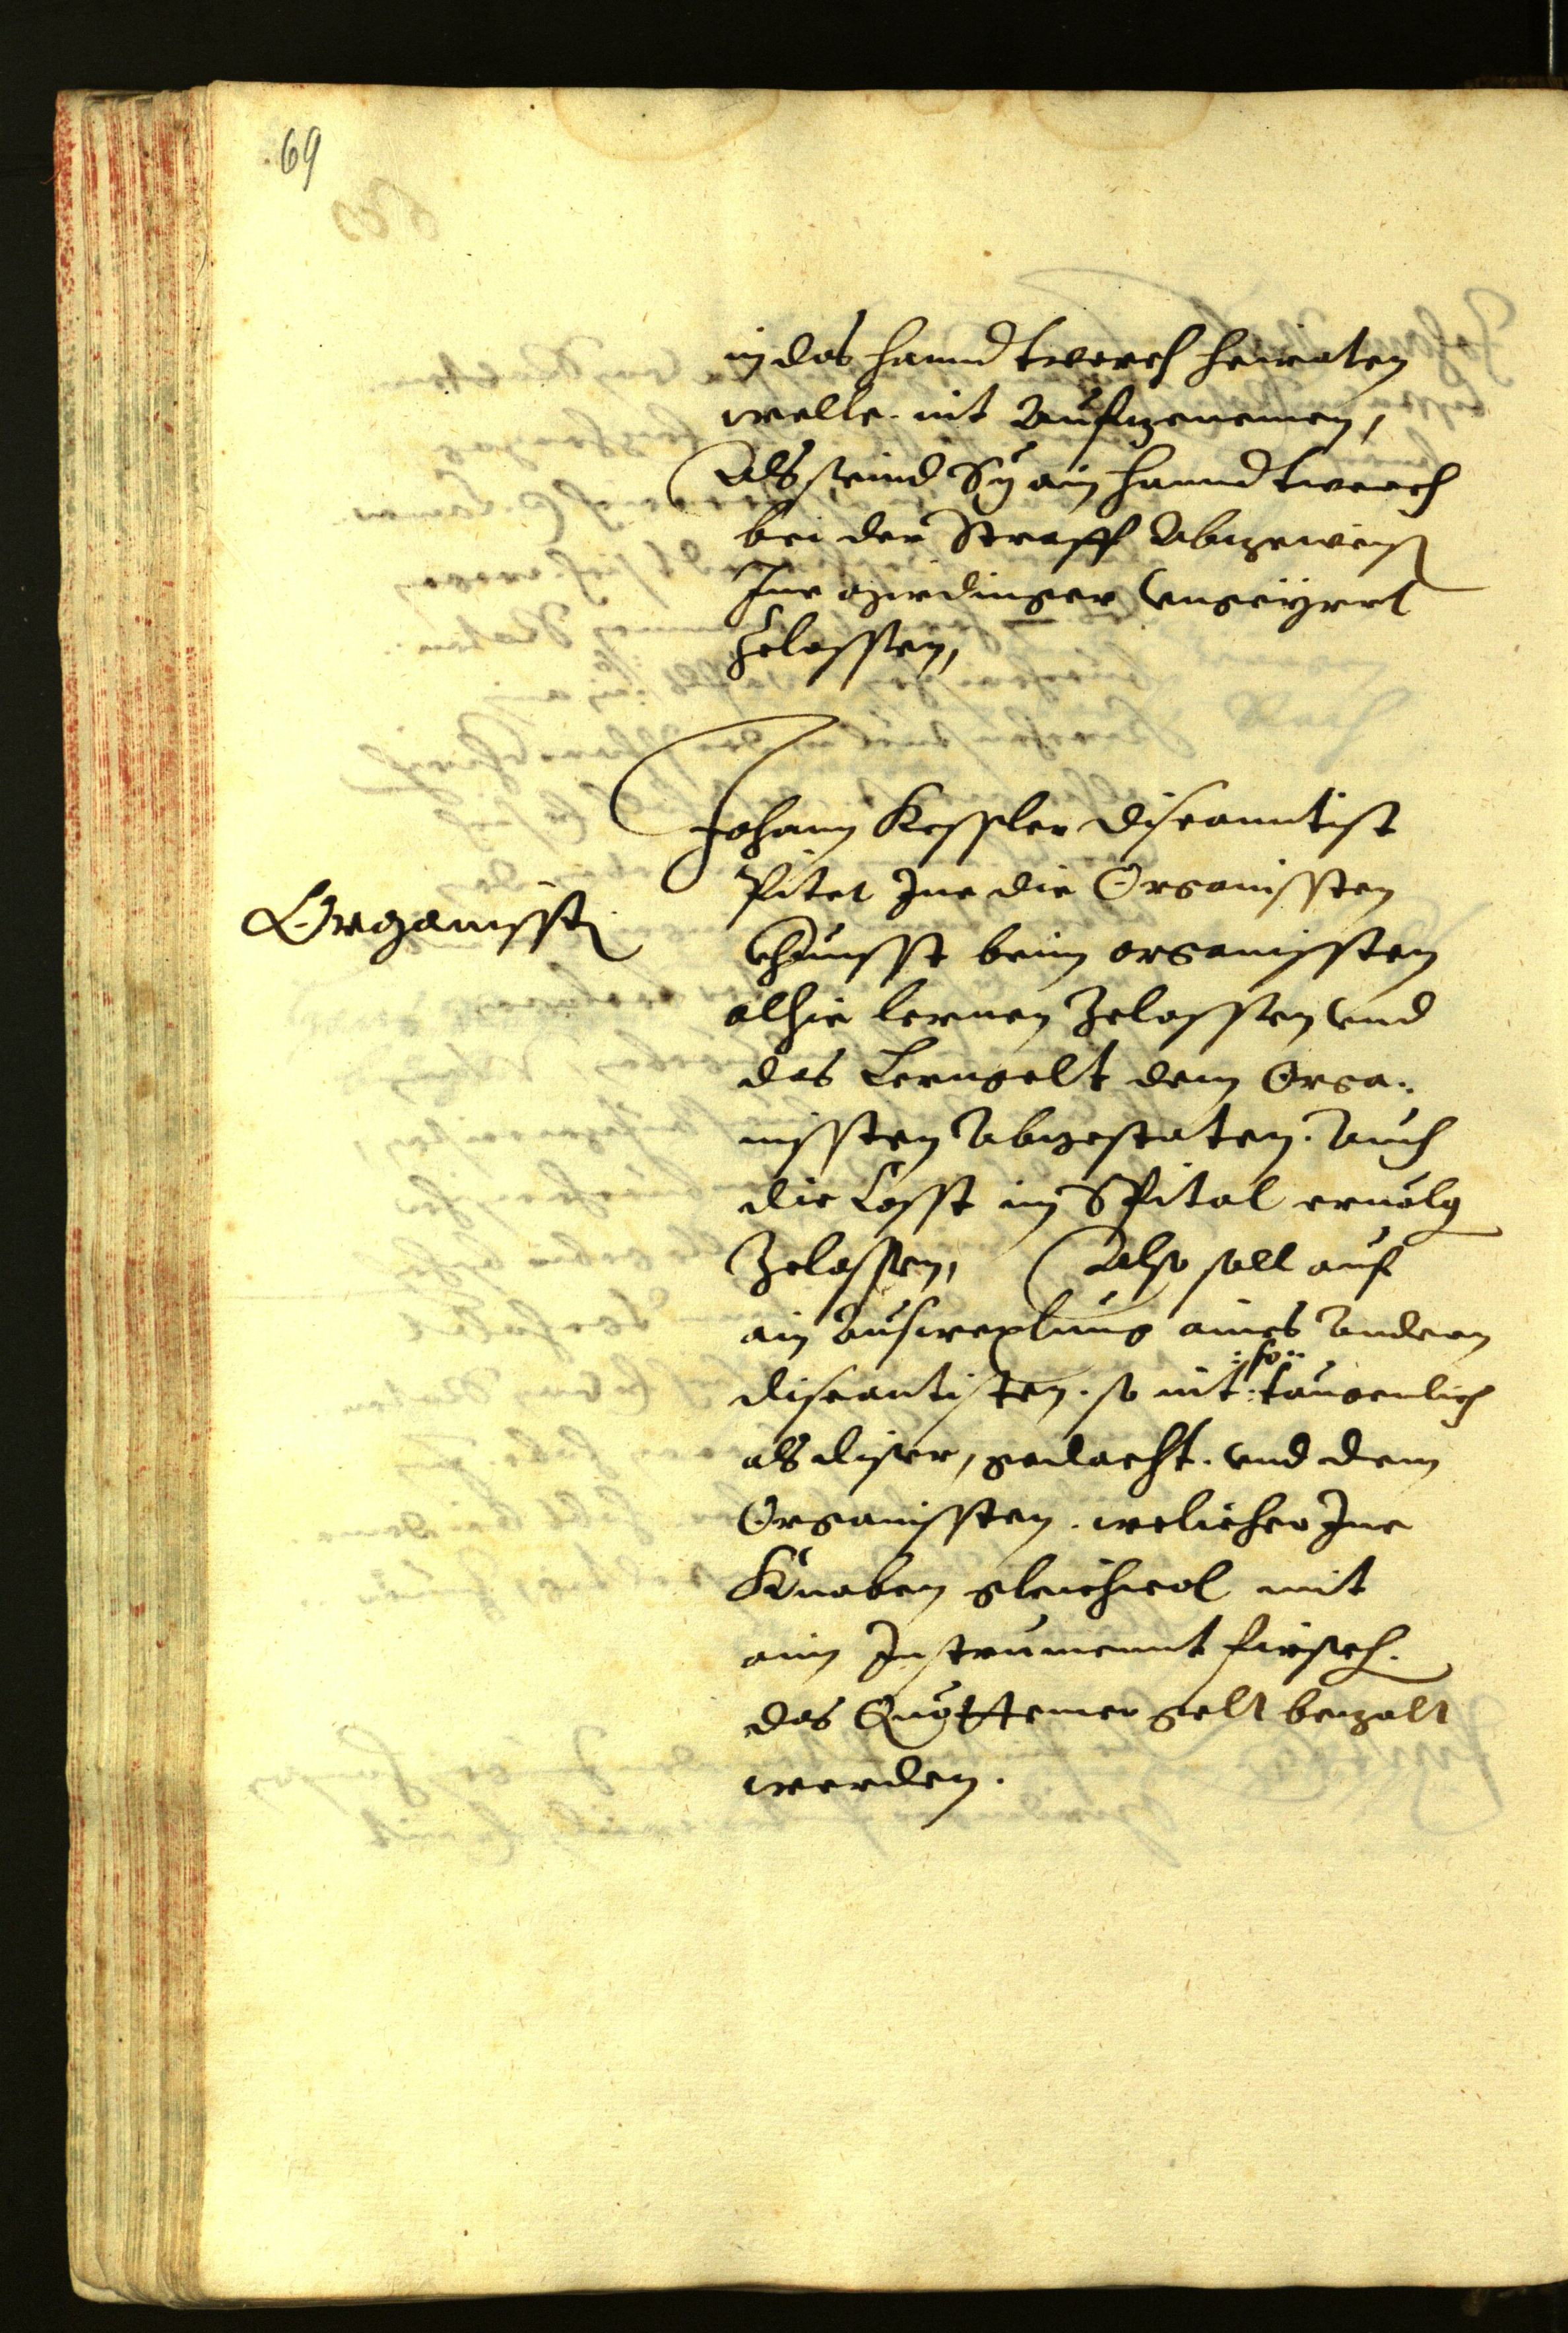69
in das hanndtwerch heiraten
welle. nit Aūfzenemen,
Als seind Sȳ ain hanndtwerch
bei der Straff Abzeweis
Ime Mirdinger vngeÿret
Zelassen,
Johann Kessler discanntist,
Pitet Ine die Organissten
Khūnsst beim organissten
alhie lernen Zelassen vnd
das Lerngelt dem Orga¬
nissten Abzestaten. Aūch
die Cosst im SPital erūolg
Zelassen, Also soll aūf
ain Aūswexlūng aines Andren
:so:
discantisten. so nit : taūgenlich
als diser, gedacht. vnd dem
Organissten. welicher Ine
Knaben gleichwol mit
ain Instrūment firseh
das Qūattemer gelt bezalt
werden.
Organisst.